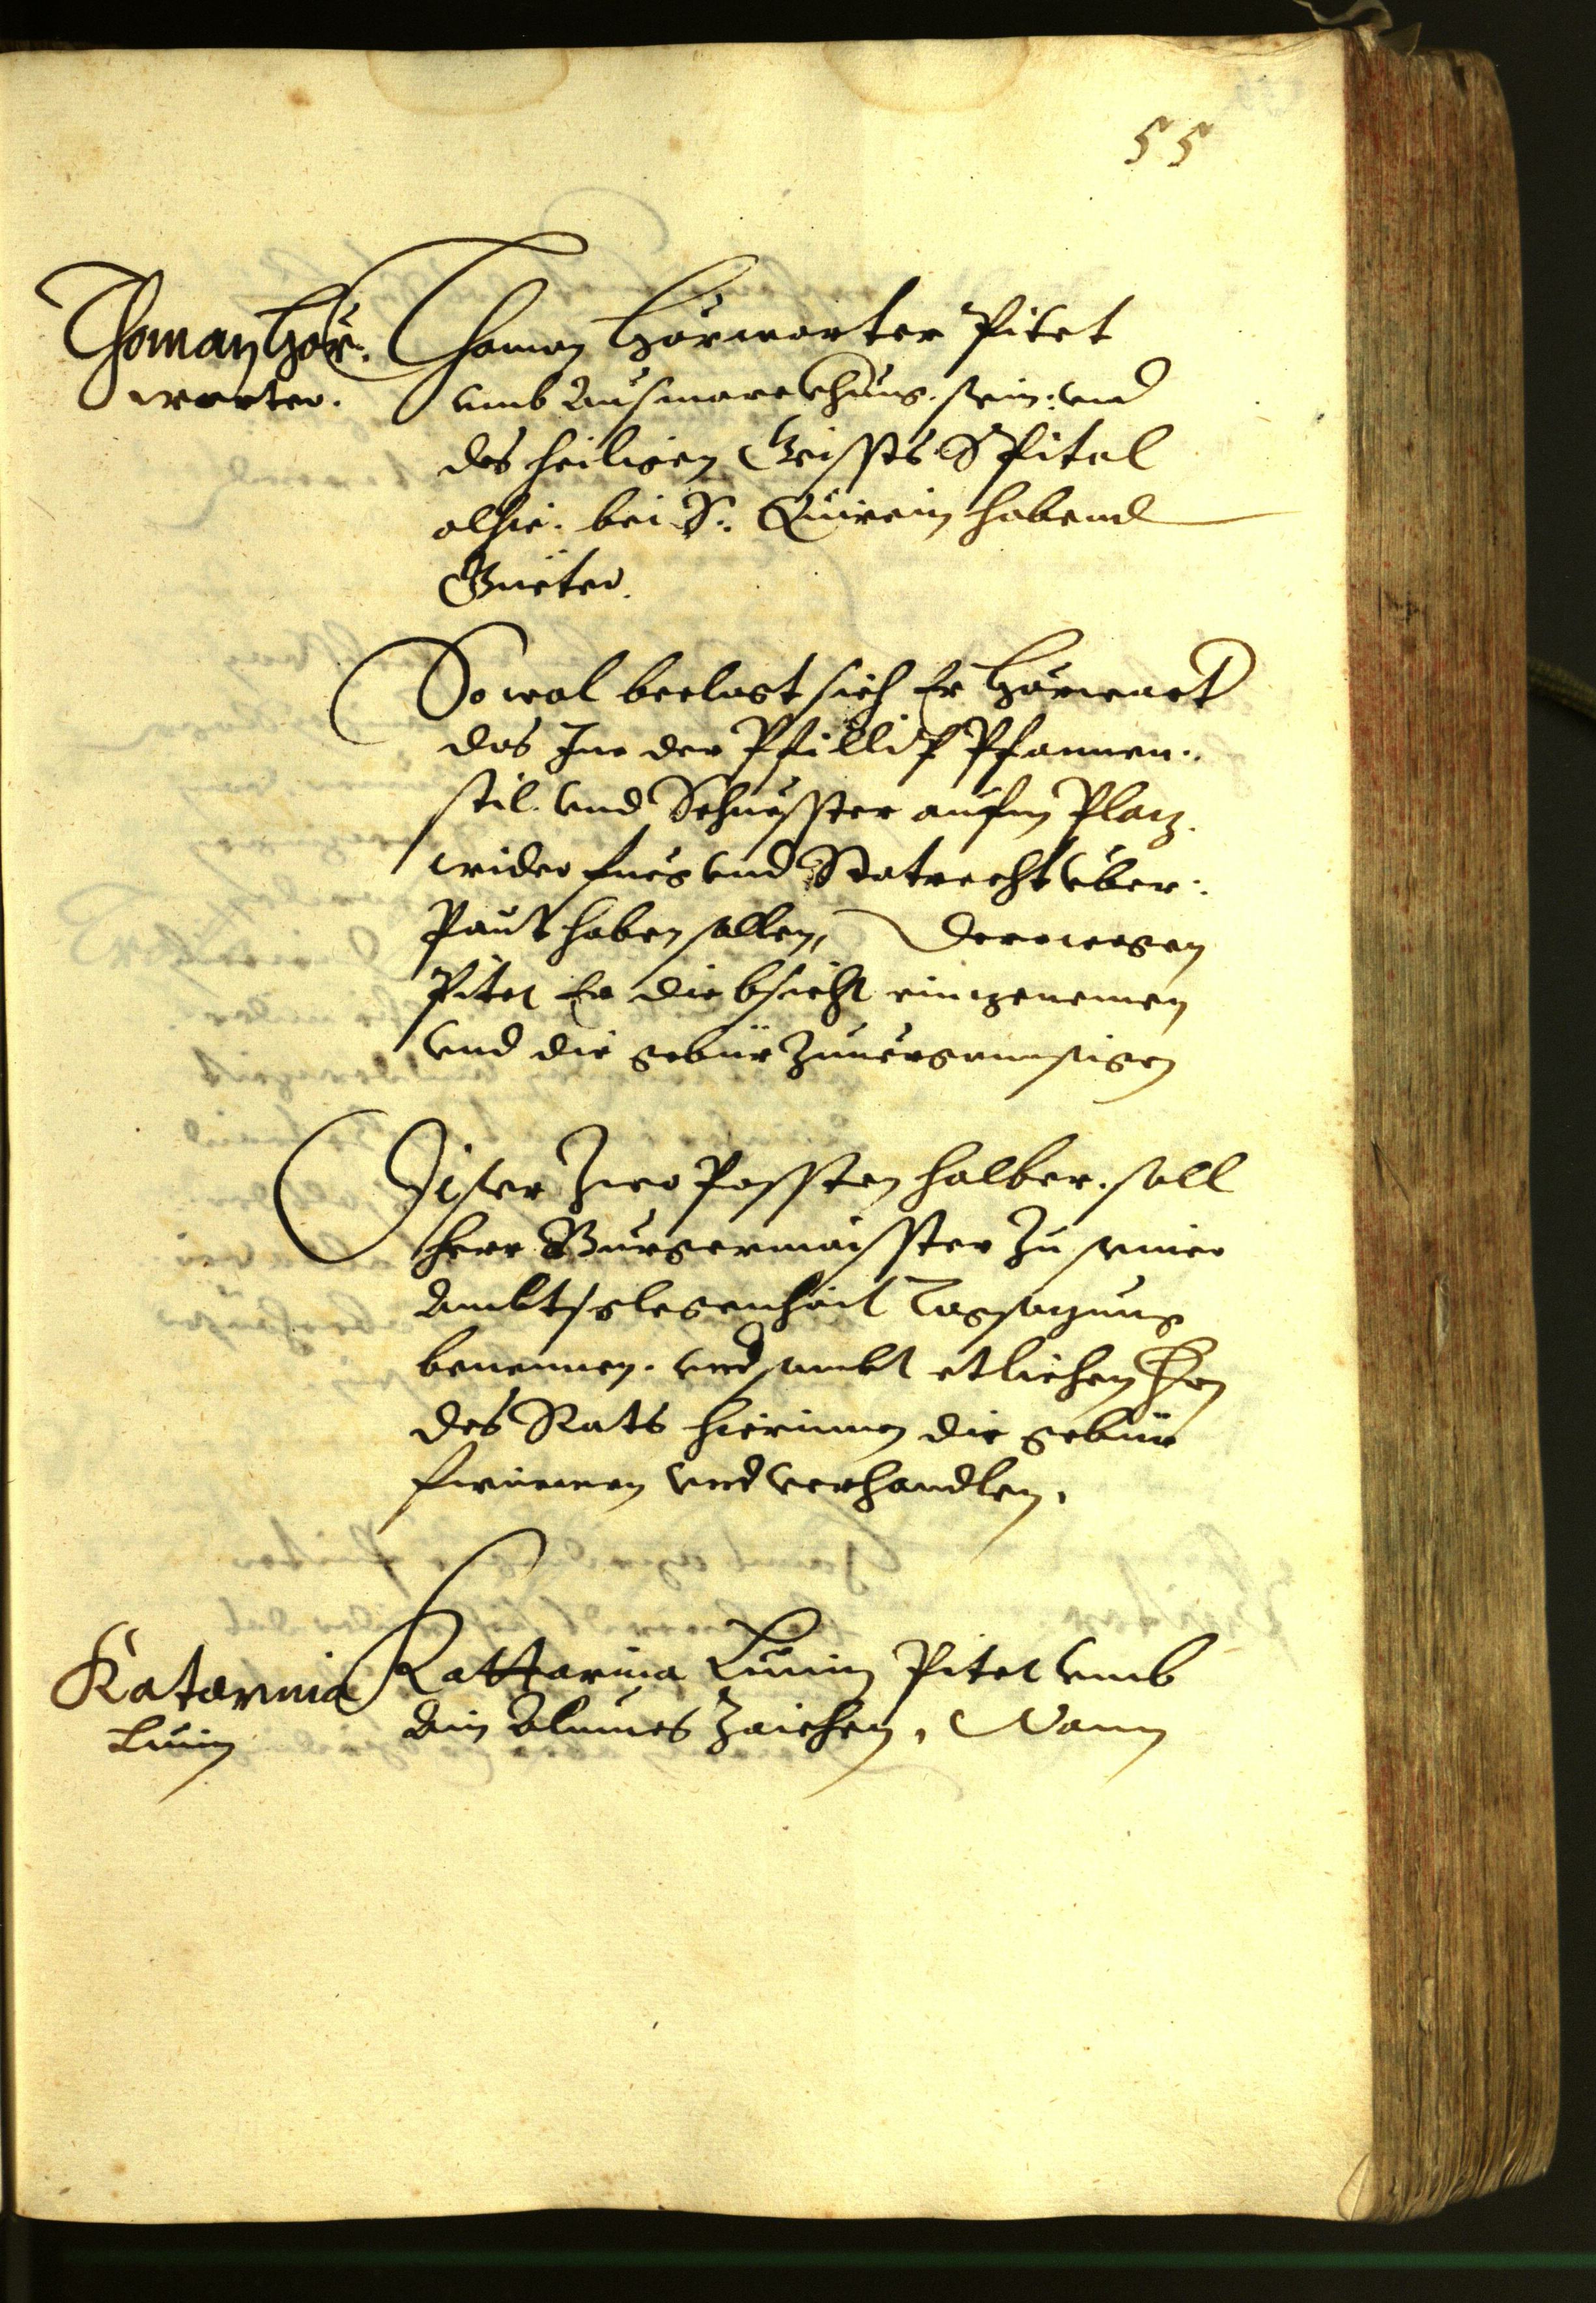55
Thoman Hōrwarter Pitet
vmb Aūsmarckhūng. sein: vnd
des heiligen Geissts Spital
alhie. bei S: Qūirein habend
Gūeter.
Thoman Hōr¬
warter.
So wol beclagt sich Er Hōrwart
das Ine der PfilliP Pfannen¬
stil. vnd Schūesster aūfm Plaz.
wider fūeg vnd Statrecht v̄ber¬
Paūt haben sollen, Derowegen
Pitet Er die bsicht einzenemen
vnd die gebür Zūuērgonnstigen.
Diser Zwo Possten halber. soll
herr Būrgermaisster Zū seiner
Ambtsglegenhait Tagsazūng
benennen. vnd sambt etlichen H
des Rats hierinnen die gebür
firnemen vnd verhandlen.
Kattarina Lūnin Pitet vmb
Ain Almūes Zaichen, Wann
Katarina
Lūnin